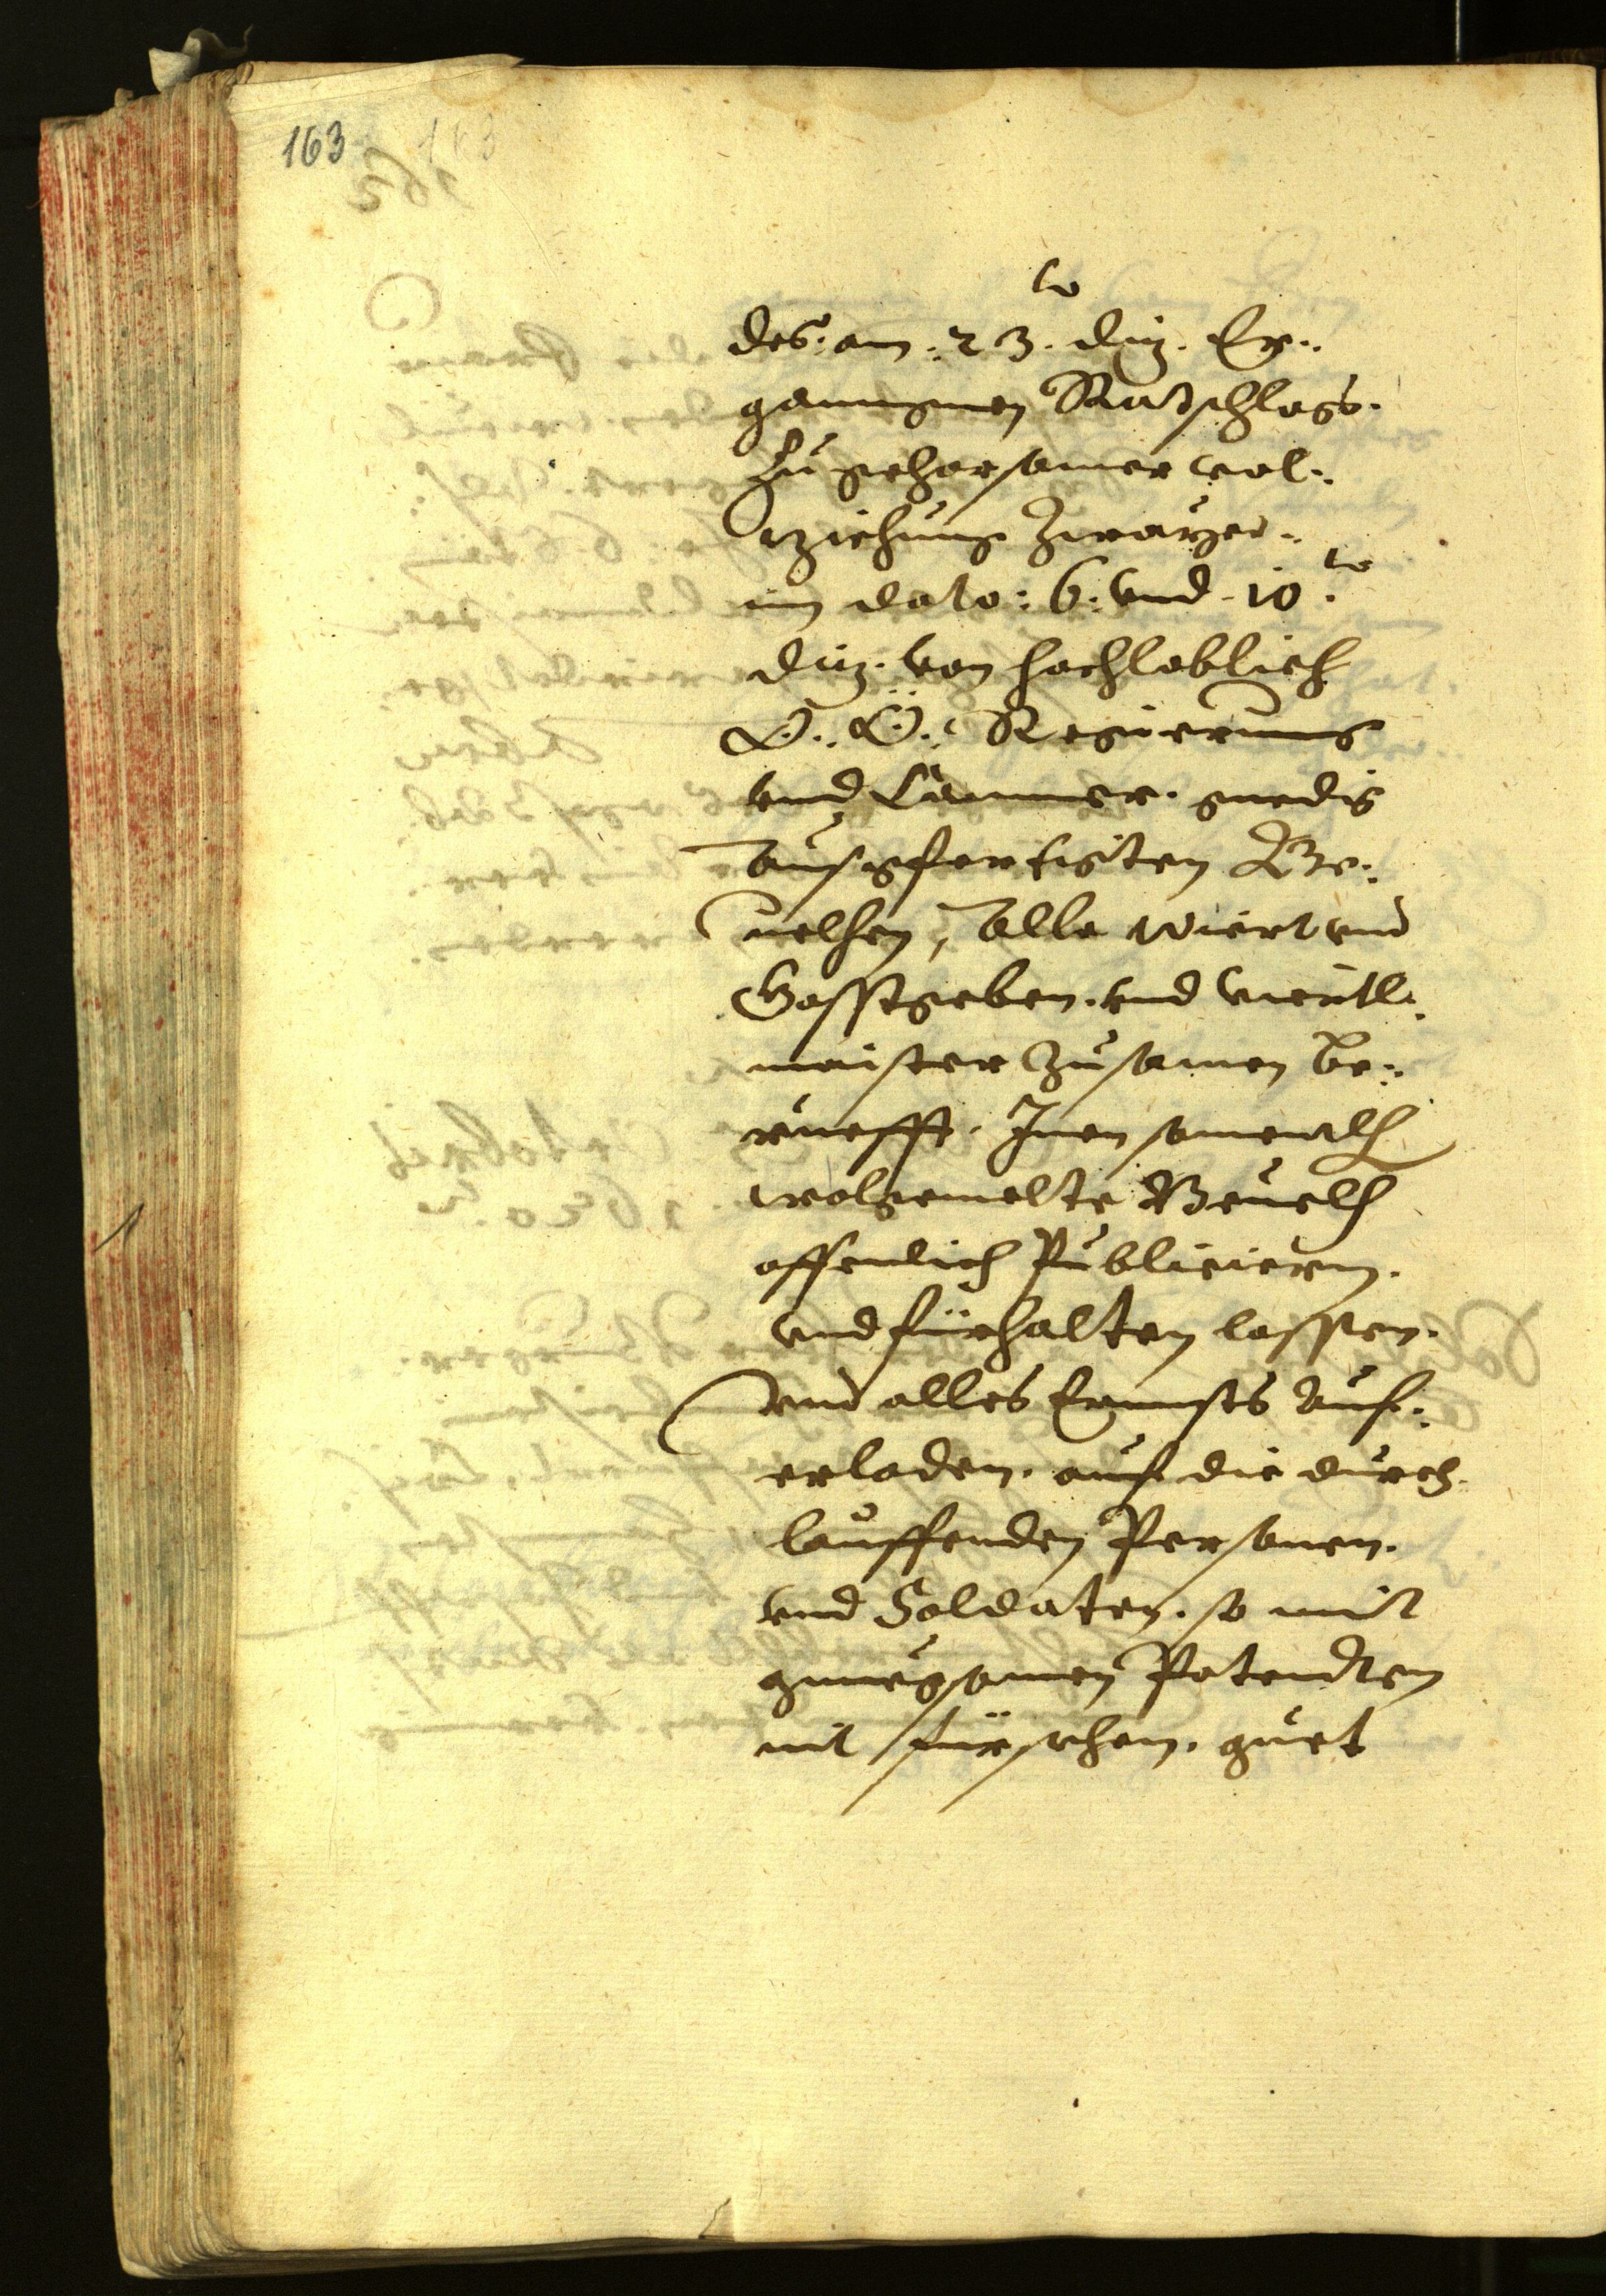163
t
des. am: 23. diz. Er¬
ganngnen Ratschlags.
Zū gehorsamer vol¬
ziehūng Zwaÿer
im dato: 6. vnd 10.t
diz. von hochloblich
O: Ö: Regierūng
vnd Cammer. gnedig
Aūsgfertigten Be¬
ūelhen, Alle Wiert vnd
Gasstgeben. vnd viertl¬
maister Zūsamen be¬
rūefft. Inen samentlich
wolgemelte Beūelh
offenlich Pūbliciern.
vnd fürhalten lassen.
Vnd alles Ernnsts Aūf¬
erladen. aūf die dūrch
laūffenden Personen.
vnd Soldaten. so mit
gnūegsamen Patendten
nit fürsehen. gūet